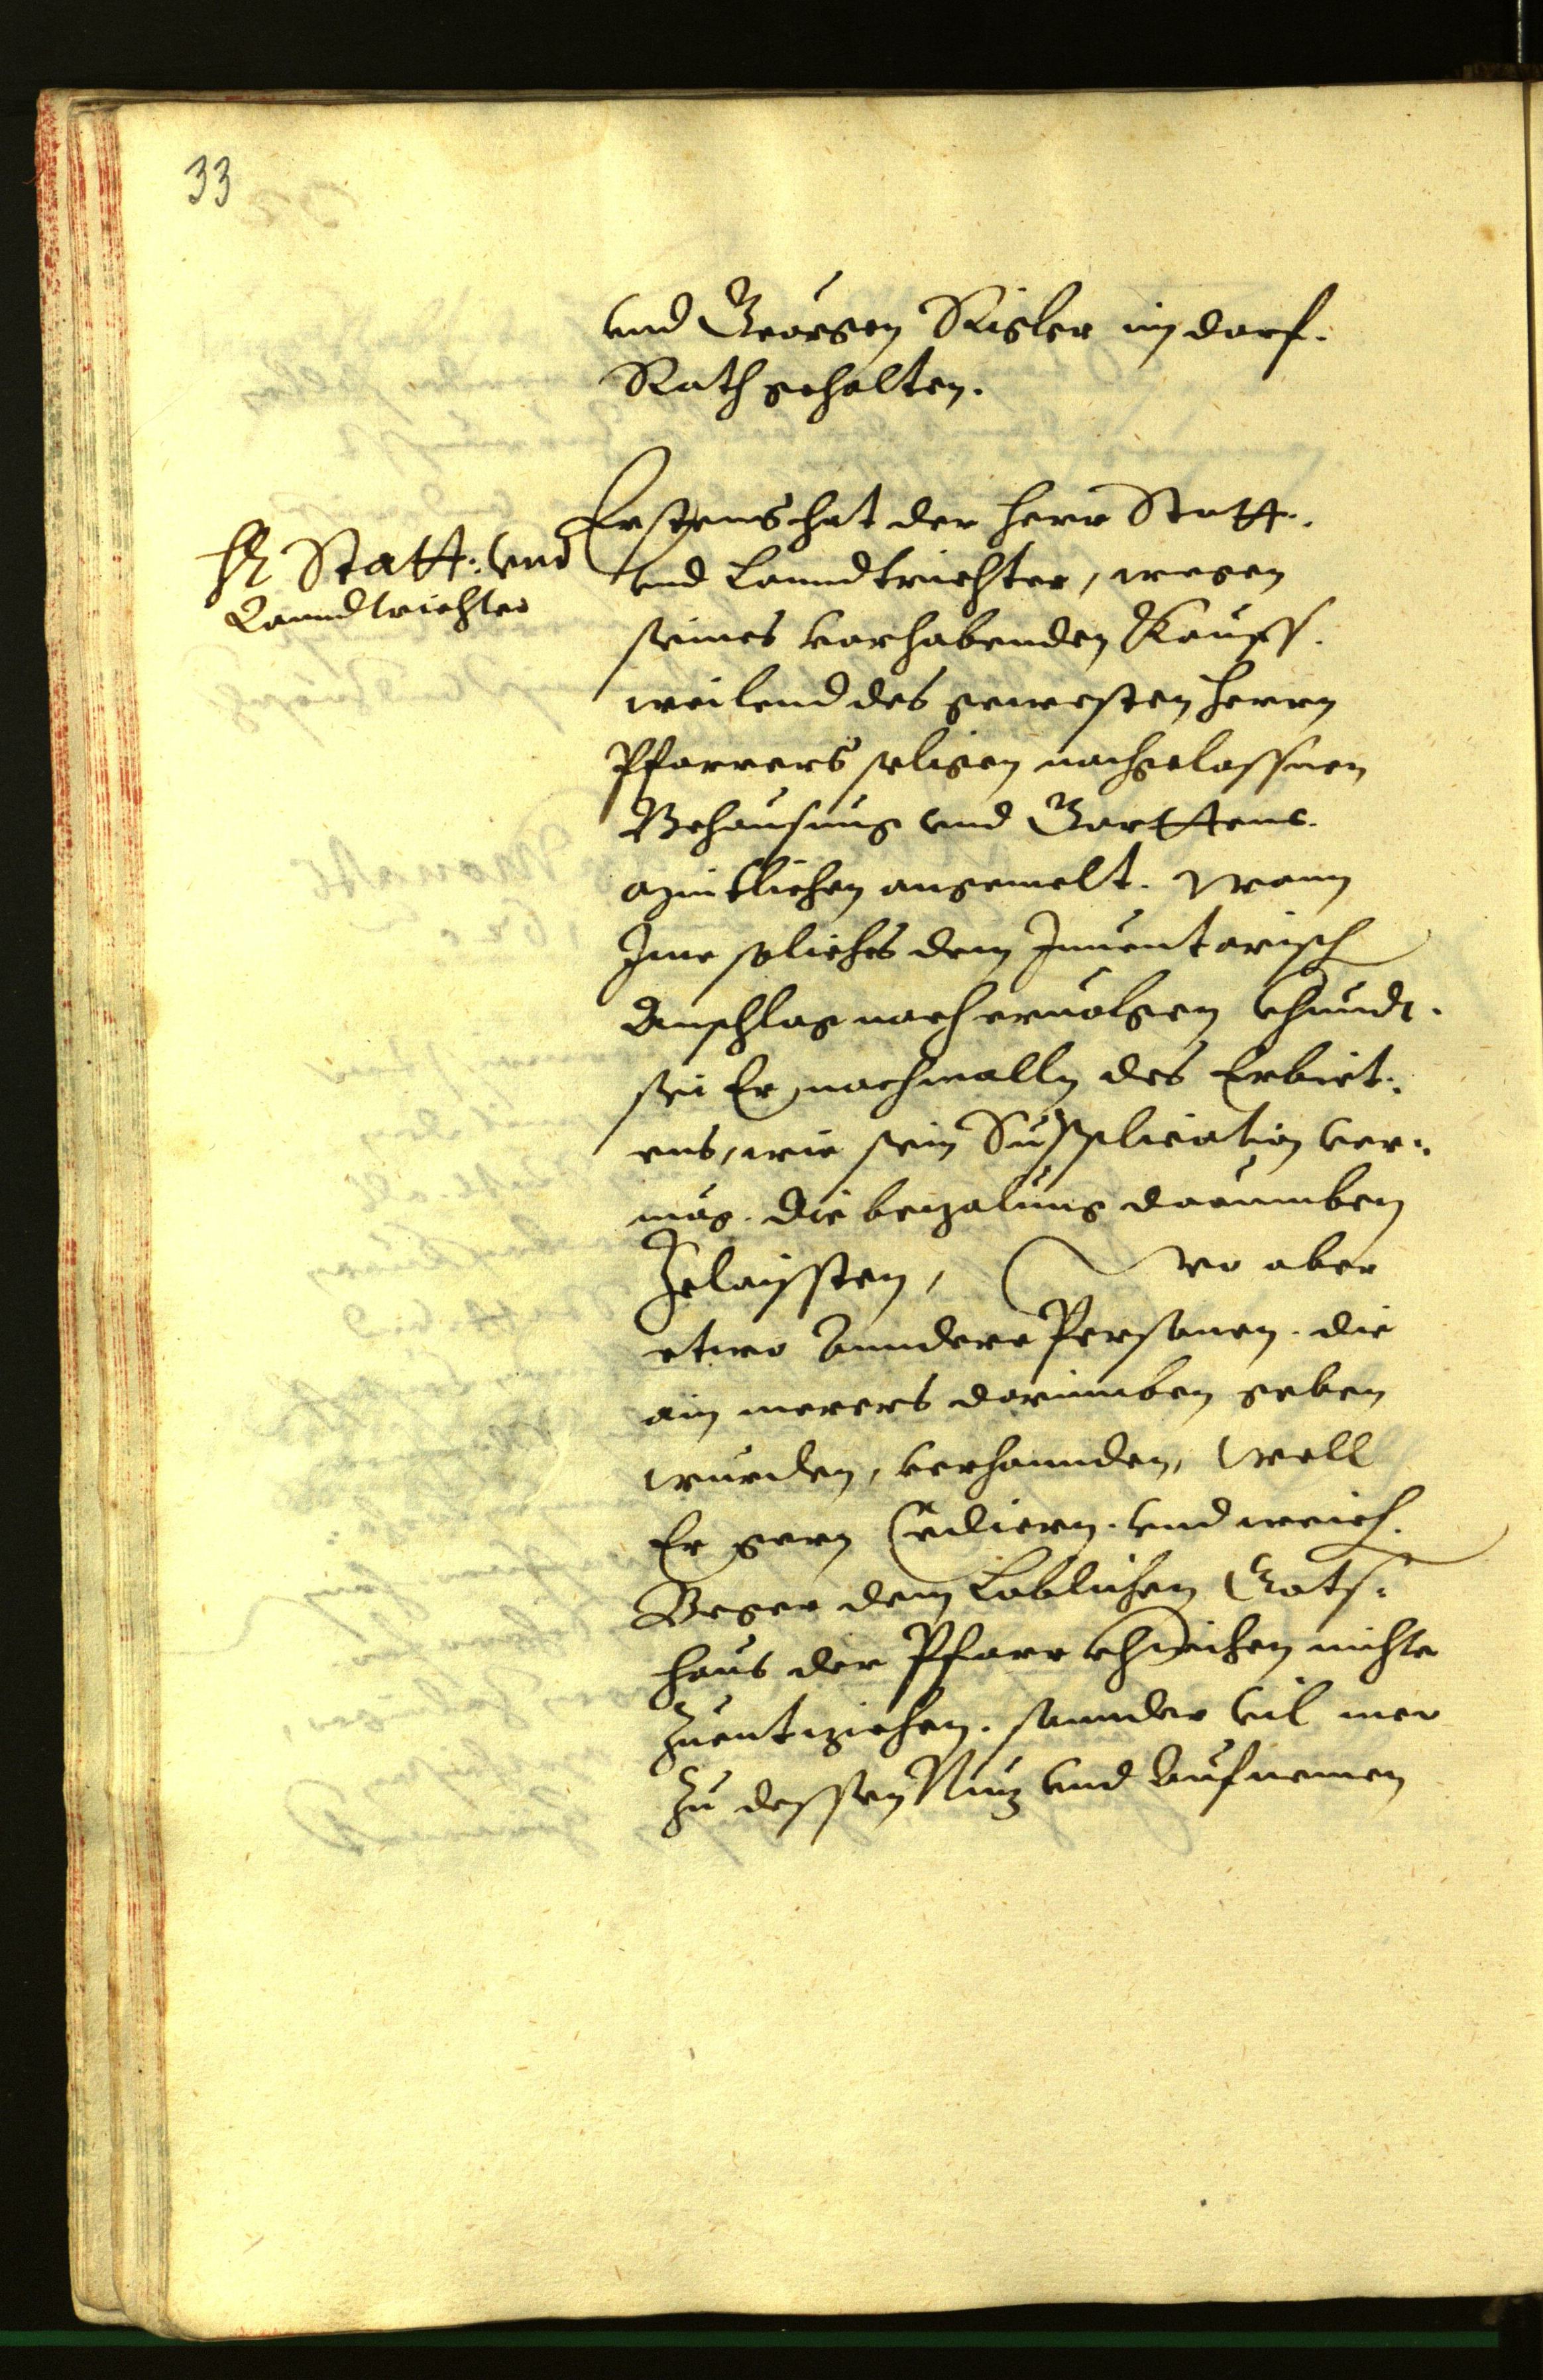33
vnd Geōrgen Rigler im dorf.
Rath gehalten.
Erstens hat der herr Statt¬
vnd Lanndtrichter, wegen
seines vorhabenden Kaūfs.
weilend des gewesten herrn
Pfarrers seligen nachgelassnen
Behaūsūng vnd Garttens.
Mintlichen angemelt. wann
Ime soliches dem Inūentarisch
Anschlag nach erūolgen khūndt.
sei Er nochmalln des Erbiet¬
ens, wie sein SūPplication ver¬
māg. Die bezalūng darūmben
Zelaissten, Wo aber
etwa Anndere Personen. die
ain merers darūmben geben
wūrden, verhannden, well
Er gern Cediern. vnd weich
Beger dem Loblichen Gots¬
haūs der Pfarr khirchen nichte
Zūentziehen. sonnder vil mer
Zū dessen Nūz vnd Aūfnemen
Hl Statt: vnd
Lanndtrichter.